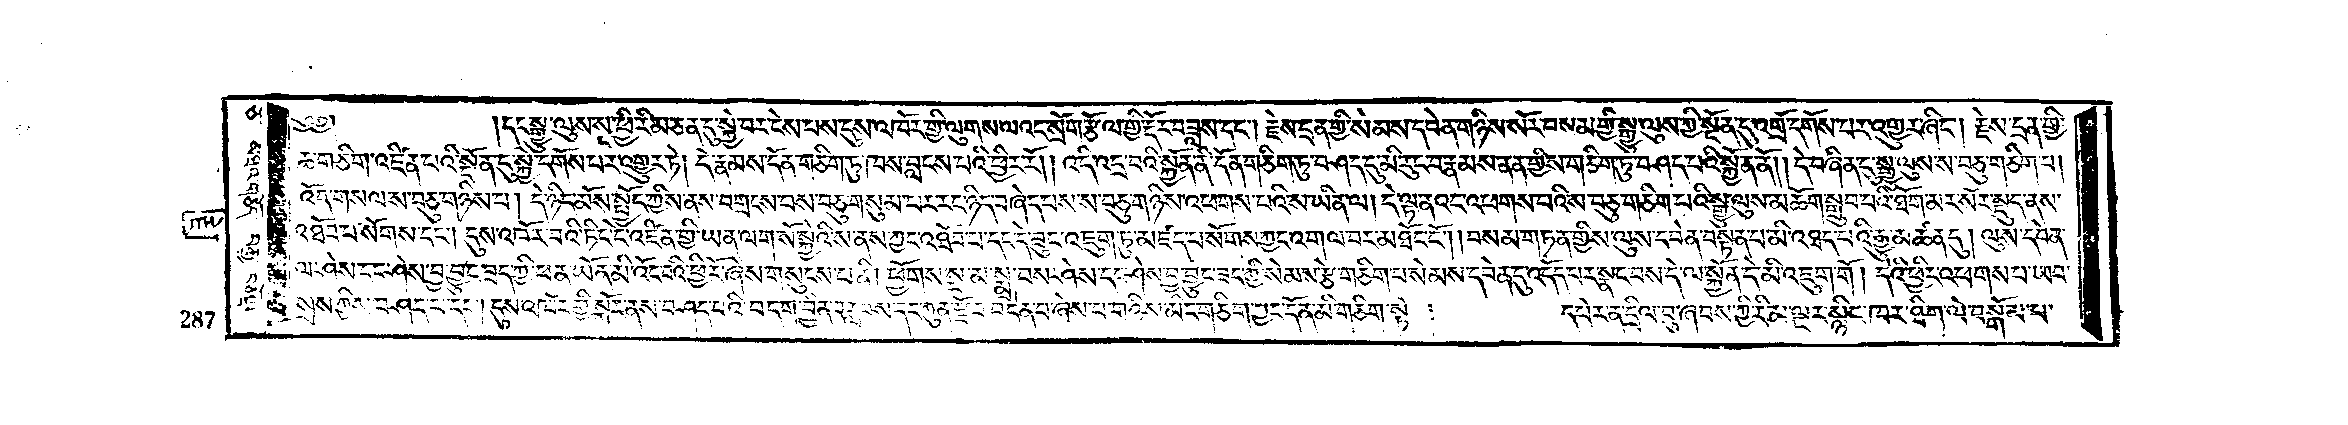༄༅། །དང་སྒྱུ་ལུས་སྔ་ཕྱི་རིམ་ཅན་དུ་སྐྱེ་བར་ངེས་པས་དུས་འཁོར་གྱི་ལུགས་ལའང་སྲོག་རྩོལ་གྱི་རྡོར་བཟླས་དང་། རྗེས་དྲན་གྱི་སེམས་དབེན་གཉིས་སོར་བསམ་གྱི་སྒྱུ་ལུས་ཀྱི་སྔོན་དུ་འགྲོ་དགོས་པར་འགྱུར་ཞིང་། རྗེས་དྲན་གྱི་
ཆ་གཅིག་འཛིན་པའི་སྔོན་དུ་སྐྱེ་དགོས་པར་འགྱུར་ཏེ། དེ་རྣམས་དོན་གཅིག་ཏུ་ཁས་བླངས་པའི་ཕྱིར་རོ། །འདི་འདྲ་བའི་སྐྱོན་ནི་དོན་གཅིག་ཏུ་བཤད་དུ་མི་རུང་བ་རྣམས་ནན་གྱིས་གཅིག་ཏུ་བཤད་པའི་སྐྱོན་ནོ། །དེ་བཞིན་དུ་སྒྱུ་ལུས་ས་བཅུ་གཅིག་པ།
འོད་གསལ་ས་བཅུ་གཉིས་པ། དེ་ཉིད་མོས་སྤྱོད་ཀྱི་ས་ནས་བགྲངས་བས་བཅུ་གསུམ་པར་རང་ཉིད་བཞེད་པས་ས་བཅུ་གཉིས་འཕགས་པའི་ས་ཡིན་ལ། དེ་ལྟ་ནའང་འཕགས་པའི་ས་བཅུ་གཅིག་པའི་སྒྱུ་ལུས་མཆོག་སྒྲུབ་པའི་ཐོག་མར་སོར་སྡུད་ནས་
འཐོབ་པ་སོགས་དང་། དུས་འཁོར་བའི་ཏིང་ངེ་འཛིན་གྱི་ཡན་ལག་སོ་སྐྱེའི་ས་ནས་ཀྱང་འཐོབ་པ་དང་དེ་ཟུང་འཇུག་ཏུ་མཛད་པ་སོགས་ཀྱང་འགལ་བར་མཐོང་ངོ། །བསམ་གཏན་གྱིས་ལུས་དབེན་བསྟན་པ་མི་འཐད་པའི་རྒྱུ་མཚན་དུ། ལུས་དབེན་
ལ་ཤེས་དང་ཤེས་བྱ་བྱུང་ཟད་ཀྱི་ཕན་ཡོན་མི་འོང་བའི་ཕྱིར་རོ་ཞེས་གསུངས་པ་ནི། ཕྱོགས་སྔ་མ་སྨྲ་བས་ཤེས་དང་ཤེས་བྱ་བྱུང་ཟད་ཀྱི་སེམས་རྩེ་གཅིག་པ་སེམས་དབེན་དུ་འདོད་པར་སྣང་བས་དེ་ལ་སྐྱོན་དེ་མི་འཇུག་གོ །དེའི་ཕྱིར་འཕགས་པ་ཡབ་
སྲས་ཀྱིས་བཤད་པ་དང་། དུས་འཁོར་གྱི་སྐོར་ནས་བཤད་པའི་བདག་བྱིན་བརླབས་དང་ཀུན་རྫོབ་བདེན་པ་ཞེས་པ་གཉིས་མིང་གཅིག་ཀྱང་དོན་མི་གཅིག་སྟེ། དཔེར་ན་དྲིལ་བུ་ཞབས་ཀྱི་རིམ་ལྔར་སྙིང་ཁར་ཐིག་ལེ་བསྒོམ་པ་